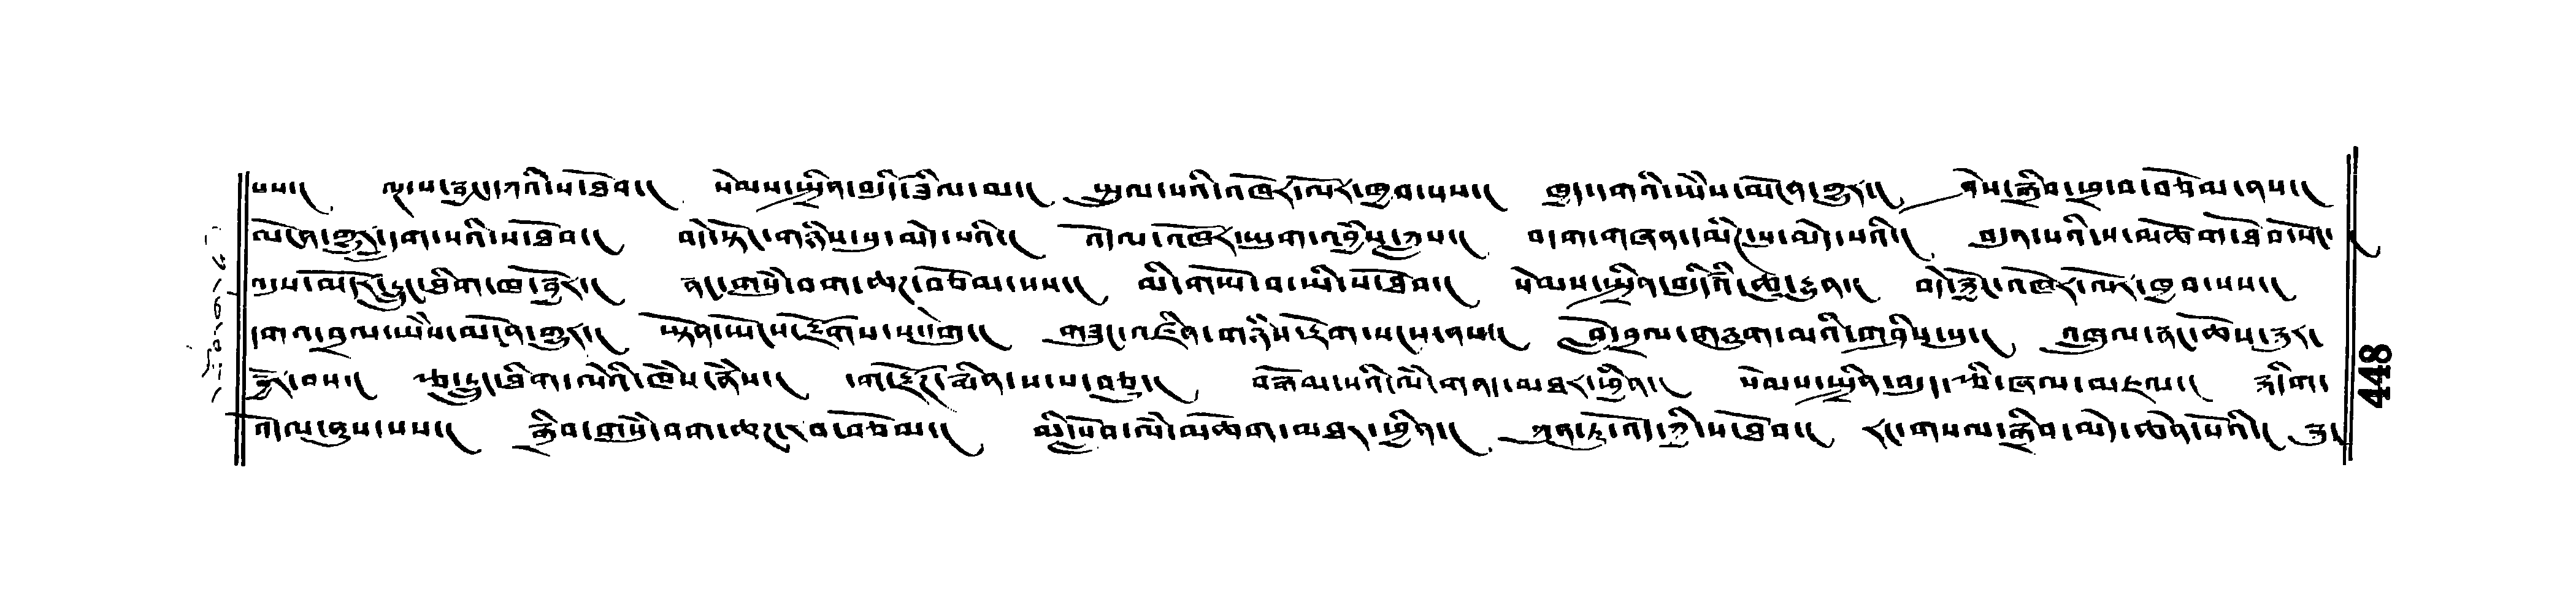པས། །ལྔ་པ་སྦྱང་དཀའི་ས་ཐོབ། །སེམས་སྤྲིན་བདུད་རྩི་ཟིལ་མ། །སྤྲུལ་པའི་འཁོར་ལོར་ཁྱབ་པས། ཁྱད་དགའི་ཡེ་ཤེས་མངོན་གྱུར། །ཤེས་སྒྲིབ་ཕྲ་བ་བཅོམ་ནས། །
མངོན་གྱུར་དྲུག་པའི་ས་ཐོབ། །བདེ་སྟོང་གཉིས་སུ་མེད་པའི། །འོད་གསལ་འཁོར་ཡུག་འབྱམས་ཀླས། །བདག་གཞན་དམིགས་སུ་མེད་པའི། །བདུན་པའི་ས་མཆོག་ཐོབ་སོང་། །
འདུས་མདོར་རླུང་ཐིག་ཁ་སྦྱོར། །སྣང་གསུམ་བག་ཆགས་བཅོམ་པས། །མི་གཡོ་བ་ཡི་ས་ཐོབ། །སེམས་སྤྲིན་བདུད་རྩིའི་ཆུ་རྒྱུན། །བདེ་སྐྱོང་འཁོར་ལོར་ཁྱབ་པས། །
དགའ་བྲལ་ཡེ་ཤེས་མངོན་གྱུར། །ཡོན་ཏན་ཡོངས་རྫོགས་ས་དགུ། །གཟུང་འཛིན་གཉིས་རྟོག་སངས་ནས། །བློ་བྲལ་གཉུག་མའི་གཤིས་སུ། །འཁྲུལ་སྣང་ཆོས་སྐུར་
སྦྱོར་བས། །རྩ་རླུང་ཐིག་ལེའི་ཁམས་རྣམས། །དག་རྫོགས་སྨིན་པ་ས་བཅུ། །བསྒོམ་པའི་ལམ་གནད་མཐར་ཕྱིན། །སེམས་སྤྲིན་བདུད་རྩི་ཞལ་མཇལ། །སྐད་ཅིག་
འོད་གསལ་ནུས་པས། །སྒྲིབ་གསུམ་བག་ཆགས་རབ་བཅོམ། །མི་སློབ་ལམ་མཆོག་མཐར་ཕྱིན། །ཀུན་ཏུ་འོད་ཀྱི་ས་ཐོབ། །རང་གསལ་སྒྲིབ་མེད་ཆེན་པོའི། །སྐུ་